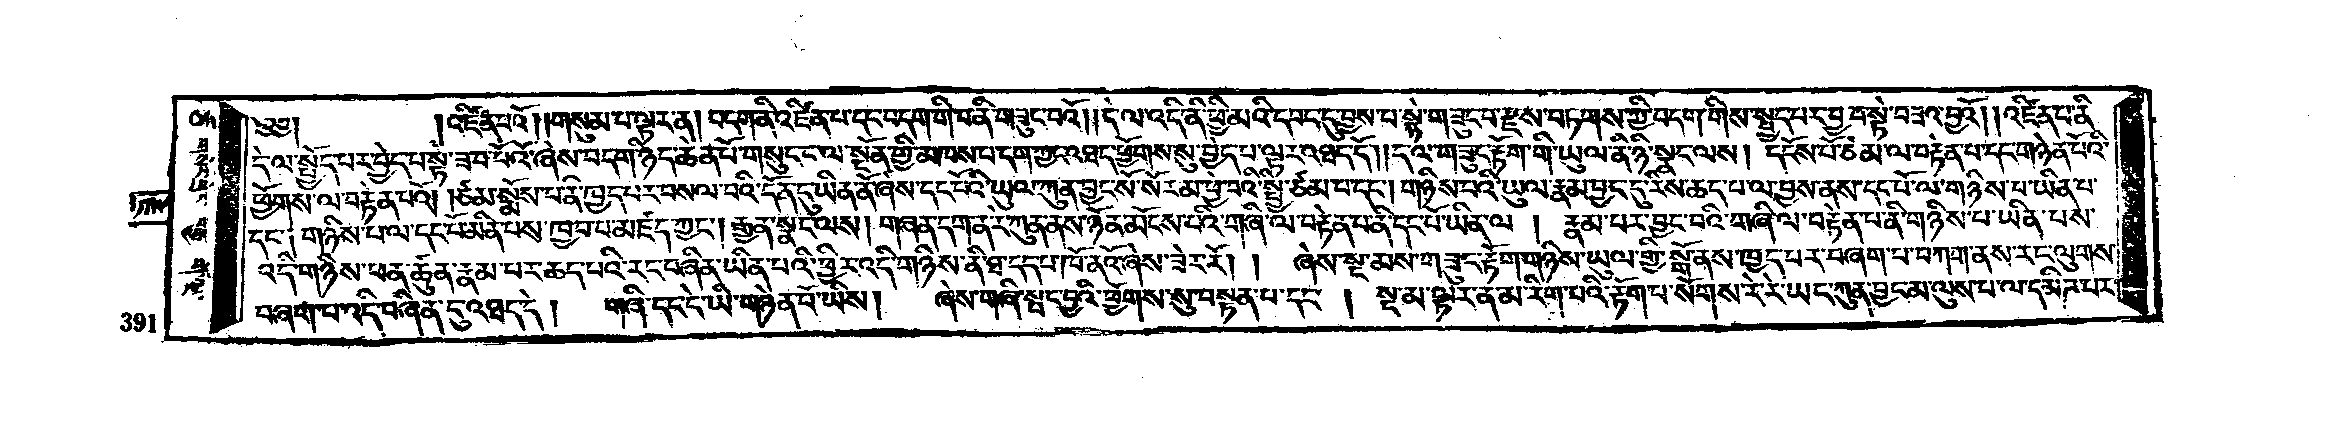༄༅། །འཛིན་པའོ། །གསུམ་པ་ལྟར་ན། བདག་ནི་འཛིན་པ་དང་བདག་གི་བ་ནི་གཟུང་བའོ། །དེ་ལ་འདི་ནི་ཕྱི་མའི་དབང་དུ་བྱས་པ་སྟེ་གཟུང་བ་རྫས་བཏགས་ཀྱི་བདག་གིས་སྤྱད་པར་བྱ་བ་སྟེ་བཟའ་བྱའོ། །འཛིན་པ་ནི་
དེ་ལ་སྤྱོད་པར་བྱེད་པ་སྟེ་ཟབ་པོའོ་ཞེས་བདག་ཉིད་ཆེན་པོ་གསུང་བ་ལ་སྔོན་གྱི་མཁས་པ་དག་ཀྱང་འཐད་ཕྱོགས་སུ་བྱེད་པ་ལྟར་འཐད་དོ། །དེ་ལ་གཟུང་རྟོག་གི་ཡུལ་ནི་ཉི་སྣང་ལས། དངོས་པོ་ཙམ་ལ་བརྟེན་པ་དང་གཉེན་པོའི་
ཕྱོགས་ལ་བརྟེན་པའོ། །ཙམ་སྨོས་པ་ནི་ཁྱད་པར་བསལ་བའི་དོན་དུ་ཡིན་ནོ་ཞེས་དང་པོའི་ཡུལ་ཀུན་བྱང་སོ་སོར་མ་ཕྱེ་བའི་སྤྱི་ཙམ་པ་དང་། གཉིས་པའི་ཡུལ་རྣམ་བྱང་དུ་རིས་ཆད་པ་ལ་བྱས་ནས་དང་པོ་ལ་གཉིས་པ་ཡིན་པ་
དང་། གཉིས་པ་ལ་དང་པོ་མིན་པས་ཁྱབ་པ་མཛད་ཀྱང་། རྒྱན་སྣང་ལས། གཞན་དག་ན་རེ་ཀུན་ནས་ཉོན་མོངས་པའི་གཞི་ལ་བརྟེན་པ་ནི་དང་པོ་ཡིན་ལ། རྣམ་པར་བྱང་བའི་གཞི་ལ་བརྟེན་པ་ནི་གཉིས་པ་ཡིན་པས་
འདི་གཉིས་ཕན་ཚུན་རྣམ་པར་ཆད་པའི་རང་བཞིན་ཡིན་པའི་ཕྱིར་འདི་གཉིས་ནི་ཐ་དད་པ་ཁོ་ནའོ་ཞེས་ཟེར་རོ། །ཞེས་སྔ་མས་གཟུང་རྟོག་གཉིས་ཡུལ་གྱི་སྒོ་ནས་ཁྱད་པར་བཞག་པ་བཀག་ནས་རང་ལུགས་
བཞག་པ་འདི་བཞིན་དུ་འཐད་དེ། གཞི་དང་དེ་ཡི་གཉེན་པོ་ཡིས། ཞེས་གཞི་སྤང་བྱའི་ཕྱོགས་སུ་བསྟན་པ་དང་། སྔ་མ་ལྟར་ན་མ་རིག་པའི་རྟོག་པ་སོགས་རེ་རེ་ཡང་ཀུན་བྱང་མ་ལུས་པ་ལ་དམིགས་པར་